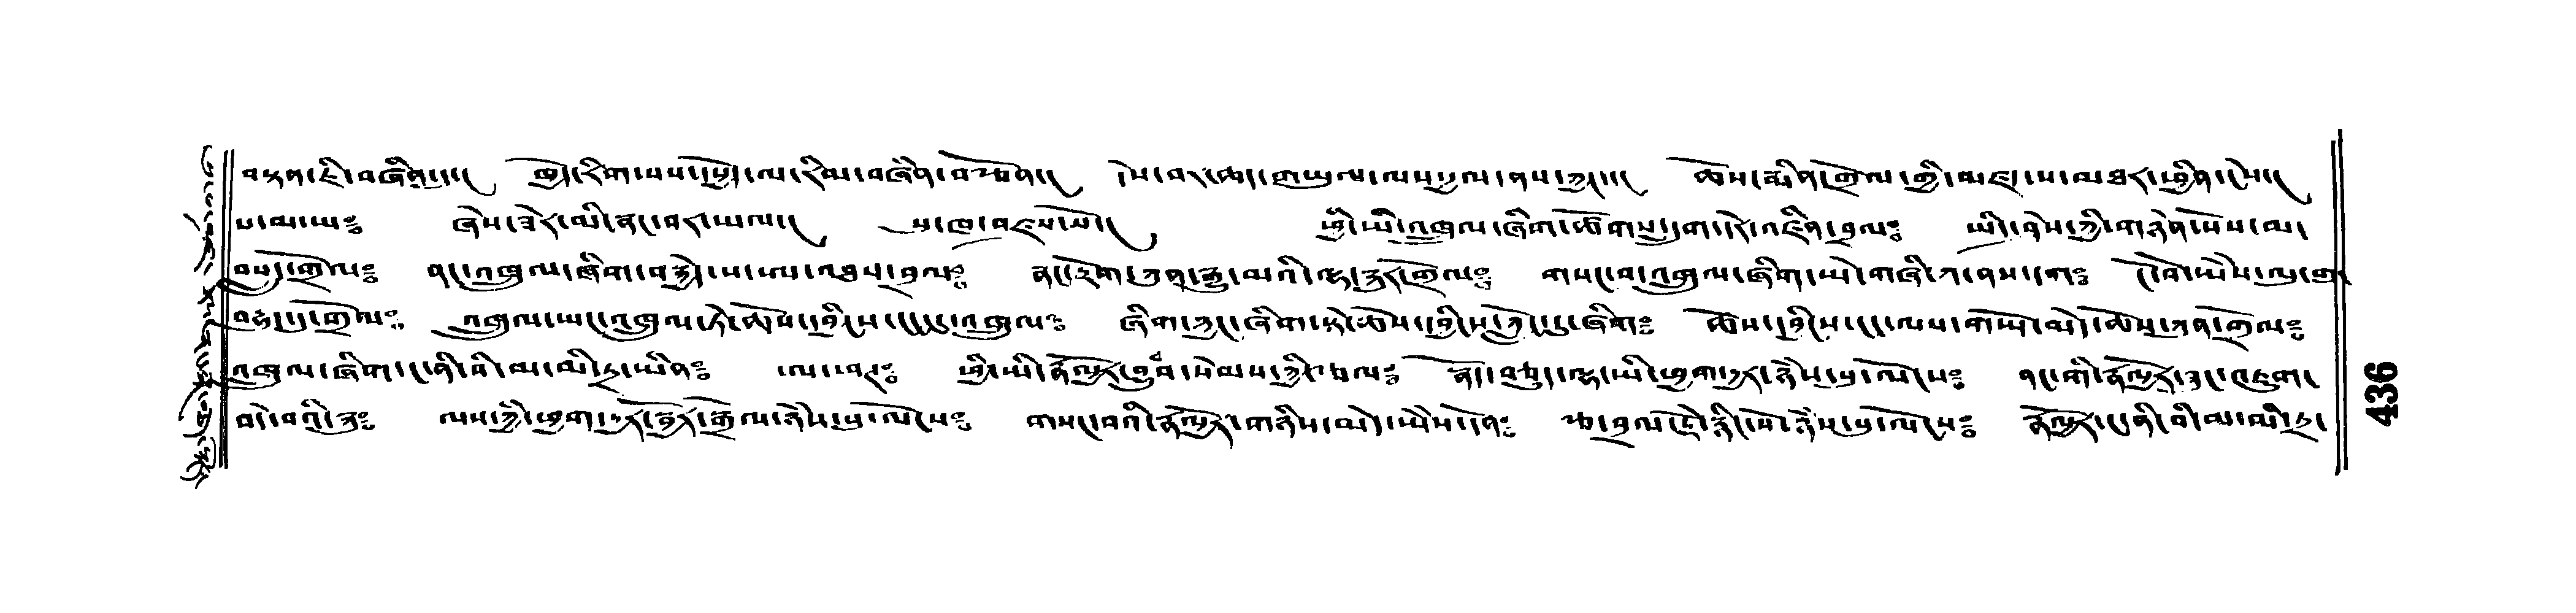བསྟན་ཇི་བཞིན་དུ། ཁྱོད་རིག་པས་དཔྱོད་ལ་རིམ་བཞིན་བརྩོན། །དེས་བར་ཆད་གཡུལ་ལས་རྒྱལ་ནས་ཀྱང་། ཆོས་སྨིན་གྲོལ་གྱི་མཛད་པ་མཐར་ཕྱིན་ངེས། 
ས་མ་ཡ། ཞེས་ཟེར་མི་སྣང་བར་ཡལ། སུ་ཁ་བཛྲས་སོ།། ཕྱི་ཡི་འཁྲུལ་ཞིག་ཚོགས་དྲུག་དེར་འཛིན་བྲལ༔ ཡིད་ཤེས་ཀྱི་གཉེན་པོས་མ་
བསླད་གྲོལ༔ ནང་འཁྲུལ་ཞིག་བསྐྱེད་པ་ཨ་འཐས་བྲལ༔ སྣང་རྟོག་ཀུན་སྒྱུ་མའི་ལྷ་སྐུར་གྲོལ༔ གསང་བ་འཁྲུལ་ཞིག་ཡེ་གཞི་ཀ་ནས་དག༔ ངོ་བོ་ཡེ་ཤེས་ལུ་གུ་
བརྒྱུད་དུ་གྲོལ༔ འཁྲུལ་ཡང་འཁྲུལ་ཏེ་ཆོས་དབྱིངས་ངང་དུ་འཁྲུལ༔ ཞིག་ཀྱང་ཞིག་སྟེ་ཆོས་དབྱིངས་ཀློང་དུ་ཞིག༔ ཆོས་དབྱིངས་ངང་ལས་གཡོ་མེད་ཆོས་ཀུན་གྲོལ༔ 
འཁྲུལ་ཞིག་ང་ནི་བི་མ་མི་ཏྲ་ཡིན༔ ཨ་ཕཊ༔ ཕྱི་ཡི་རྣལ་འབྱོར་བྱང་ཆུབ་སེམས་ཀྱི་རྩལ༔ སྣོད་བཅུད་ལྷ་ཡི་ཕྱག་རྒྱར་ཉམས་སུ་ལོངས༔ ནང་གི་རྣལ་འབྱོར་ཟུང་འཇུག་
བདེ་བའི་སྐུ༔ ལས་ཀྱི་ཕྱག་རྒྱར་སྦྱོར་སྒྲོལ་ཉམས་སུ་ལོངས༔ གསང་བའི་རྣལ་འབྱོར་གཉིས་མེད་ཡེ་ཤེས་དོན༔ རྩ་བྲལ་རྡོ་རྗེ་སྙིང་པོ་ཉམས་སུ་ལོངས༔ རྣལ་འབྱོར་ང་ནི་བི་མ་མི་ཏྲ་